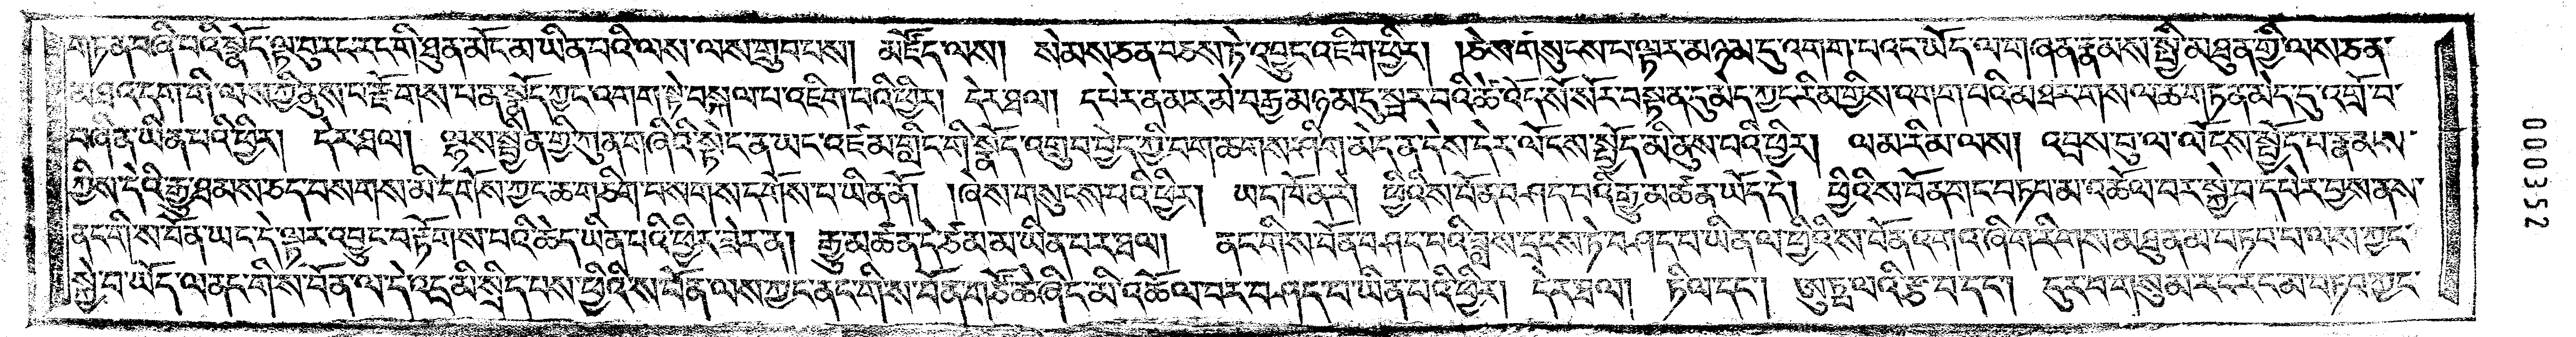གཏན་བཞི་བའི་སྣོད་ལྟ་བུ་རང་རང་གི་ཐུན་མོང་མ་ཡིན་པའི་ལས་ལས་གྲུབ་པས། མཛོད་ལས། སེམས་ཅན་བཅས་ཏེ་འབྱུང་འཇིག་ཕྱིར། །ཅེས་གསུངས་པ་ལྟར་མཉམ་དུ་འགག་པའང་ཡོད་ལ་གཞན་རྣམས་སྤྱི་མཐུན་གྱི་ལས་ཅན་
མཐའ་དག་གི་ལས་ཀྱི་ནུས་པ་རྫོགས་པ་ན་སྣོད་ཀྱང་འགག་སྟེ་བསྐལ་པ་འཇིག་པའི་ཕྱིར། དེར་ཐལ། དཔེར་ན་མར་མེ་བརྒྱ་མཉམ་དུ་སྦྱར་བའི་ཚེ་འོད་སོ་སོར་བསྟན་དུ་མེད་ཀྱང་རིམ་གྱིས་འགག་པའི་མཐར་གསལ་ཆ་གཏན་མེད་དུ་འགྲོ་བ་
བཞིན་ཡིན་པའི་ཕྱིར། དེར་ཐལ། ལྷས་སྦྱིན་གྱི་ཀུན་གཞིའི་སྟེང་ན་ཡང་འཛམ་གླིང་གི་སྣོད་འགྲུབ་བྱེད་ཀྱི་བག་ཆགས་ཤིག་མེད་ན་དེས་དེར་ལོངས་སྤྱོད་མི་ནུས་པའི་ཕྱིར། ལམ་རིམ་ལས། འབྲས་བུ་ལ་ལོངས་སྤྱོད་པ་རྣམས་
ཀྱིས་དེའི་རྒྱུ་ཐམས་ཅད་བསགས་མི་དགོས་ཀྱང་ཆ་གཅིག་བསགས་དགོས་པ་ཡིན་ནོ། །ཞེས་གསུངས་པའི་ཕྱིར། ཡང་ཁོ་ན་རེ། ཕྱིའི་ས་བོན་བཤད་པའི་རྒྱུ་མཚན་ཡོད་དེ། ཕྱིའི་ས་བོན་གང་བཏབ་མ་འཆོལ་བར་སྐྱེ་བ་དཔེར་བྱས་ནས་
ནང་གི་ས་བོན་ཡང་དེ་ལྟར་འབྱུང་བ་རྟོགས་པའི་ཆེད་ཡིན་པའི་ཕྱིར་ཟེར་ན། རྒྱུ་མཚན་དེ་ཙམ་མ་ཡིན་པར་ཐལ། ནང་གི་ས་བོན་བཤད་པའི་ཟླས་དྲངས་ཏེ་བཤད་པ་ཡིན་ལ་ཕྱིའི་ས་བོན་འགའ་ཞིག་རིགས་མཐུན་མ་བཏབ་པ་ལས་ཀྱང་
སྐྱེ་བ་ཡོད་ལ་ནང་གི་ས་བོན་ལ་དེ་འདྲ་མི་སྲིད་པས་ཕྱིའི་ས་བོན་ལས་ཀྱང་ནང་གི་ས་བོན་གཙོ་ཆེ་ཞིང་མི་འཆོལ་བར་བཤད་པ་ཡིན་པའི་ཕྱིར། དེར་ཐལ། ཏིལ་དང་། ཨུཏྤ་ལའི་རྩ་བ་དང་། དུར་བ་གསུམ་རང་རང་མ་བཏབ་ཀྱང་